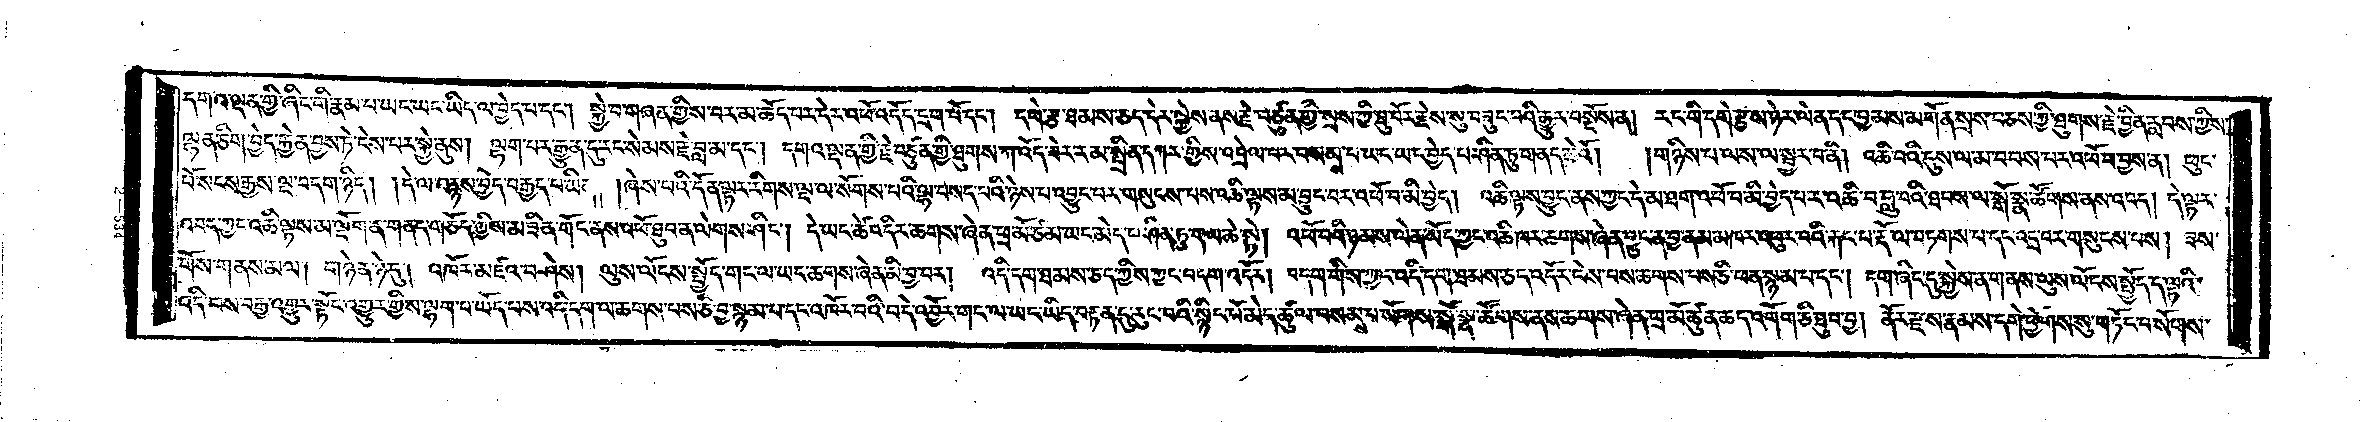དགའ་ལྡན་གྱི་ཞིང་གི་རྣམ་པ་ཡང་ཡང་ཡིད་ལ་བྱེད་པ་དང་། སྐྱེ་བ་གཞན་གྱིས་བར་མ་ཆོད་པར་དེར་འཕོ་འདོད་དྲག་པོ་དང་། དགེ་རྩ་ཐམས་ཅད་དེར་སྐྱེས་ནས་རྗེ་བཙུན་གྱི་སྲས་ཀྱི་ཐུ་བོར་རྗེས་སུ་བཟུང་བའི་རྒྱུར་བསྔོས་ན། རང་གི་དགེ་རྩས་ཉེར་ལེན་དང་བྱམས་མགོན་སྲས་བཅས་ཀྱི་ཐུགས་རྗེ་བྱིན་རླབས་ཀྱིས་
ལྷན་ཅིག་བྱེད་རྐྱེན་བྱས་ཏེ་ངེས་པར་སྐྱེ་ནུས། ལྷག་པར་རྒྱུན་དུ་རང་སེམས་རྗེ་བླ་མ་དང་། དགའ་ལྡན་གྱི་རྗེ་བཙུན་གྱི་ཐུགས་ཀ་འོད་ཟེར་རམ་སྤྲིན་དཀར་གྱིས་འབྲེལ་བར་བསམས་པ་ཡང་ཡང་བྱེད་པ་ཤིན་ཏུ་གནད་ཆེའོ། །གཉིས་པ་ལས་ལ་སྦྱར་བ་ནི། འཆི་བའི་དུས་ལ་མ་བབས་པར་འཕོ་བ་བྱས་ན། ཕུང་
པོ་སངས་རྒྱས་ལྔ་བདག་ཉིད། །དེ་ལ་བརྙས་བྱེད་བརྒྱད་པ་ཡིན། །ཞེས་པའི་དོན་ལྟར་རིགས་ལྔ་ལ་སོགས་པའི་ལྷ་བསད་པའི་ཉེས་པ་འབྱུང་བར་གསུངས་པས་འཆི་ལྟས་མ་བྱུང་བར་འཕོ་བ་མི་བྱེད། འཆི་ལྟས་བྱུང་ནས་ཀྱང་དེ་མ་ཐག་འཕོ་བ་མི་བྱེད་པར་འཆི་བ་བླུ་བའི་ཐབས་ལ་སྒོ་སྣ་ཚོགས་ནས་འབད། དེ་ལྟར་
འབད་ཀྱང་འཆི་ལྟས་མ་ལྡོག་ན་གནད་གཅོད་ཀྱིས་མ་ཟིན་གོང་ནས་འཕོ་ཐུབ་ན་ལེགས་ཤིང་། དེ་ཡང་ཚེ་འདིར་ཆགས་ཞེན་ཕྲ་མོ་ཙམ་ཡང་མེད་པ་ཤིན་ཏུ་གལ་ཆེ་སྟེ། འཕོ་བའི་ཉམས་ལེན་ཡོད་ཀྱང་འཆི་ཁར་ཆགས་ཞེན་བྱུང་ན་བྱ་ནམ་མཁར་འཕུར་བའི་རྐང་བ་རྡོ་ལ་བཏགས་པ་དང་འདྲ་བར་གསུངས་པས། ཟས་
པོས་གནས་མལ། གཉེན་ཉེད། འཁོར་མཛའ་བཤེས། ལུས་ལོངས་སྤྱོད་གང་ལ་ཡང་ཆགས་ཞེན་མི་བྱ་བར། འདི་དག་ཐམས་ཅད་ཀྱིས་ཀྱང་བདག་འདོར། བདག་གིས་ཀྱང་འདི་དག་ཐམས་ཅད་འདོར་ངེས་བས་ཆགས་པས་ཅི་ཕན་སྙམ་པ་དང་། དག་ཞིང་དུ་སྐྱེས་ན་གནས་ལུས་ཡོངས་སྤྱོད་ད་ལྟའི་
འདི་བས་བརྒྱ་འགྱུར་སྟོང་འགྱུར་གྱིས་ལྷག་པ་ཡོད་པས་འདི་དག་ལ་ཆགས་པས་ཅི་བྱ་སྙམ་པ་དང་འཁོར་བའི་བདེ་འབྱོར་གང་ལ་ཡང་ཡིད་བརྟན་དུ་རུང་བའི་སྙིང་པོ་མེད་ཚུལ་བསམས་པ་སོགས་སྒོ་སྣ་ཚོགས་ནས་ཆགས་ཞེན་ཕྲ་མོ་ཚུན་ཆད་འགོག་ཅི་ཐུབ་བྱ། ནོར་རྫས་རྣམས་དགེ་ཕྱོགས་སུ་གཏོང་བ་སོགས་